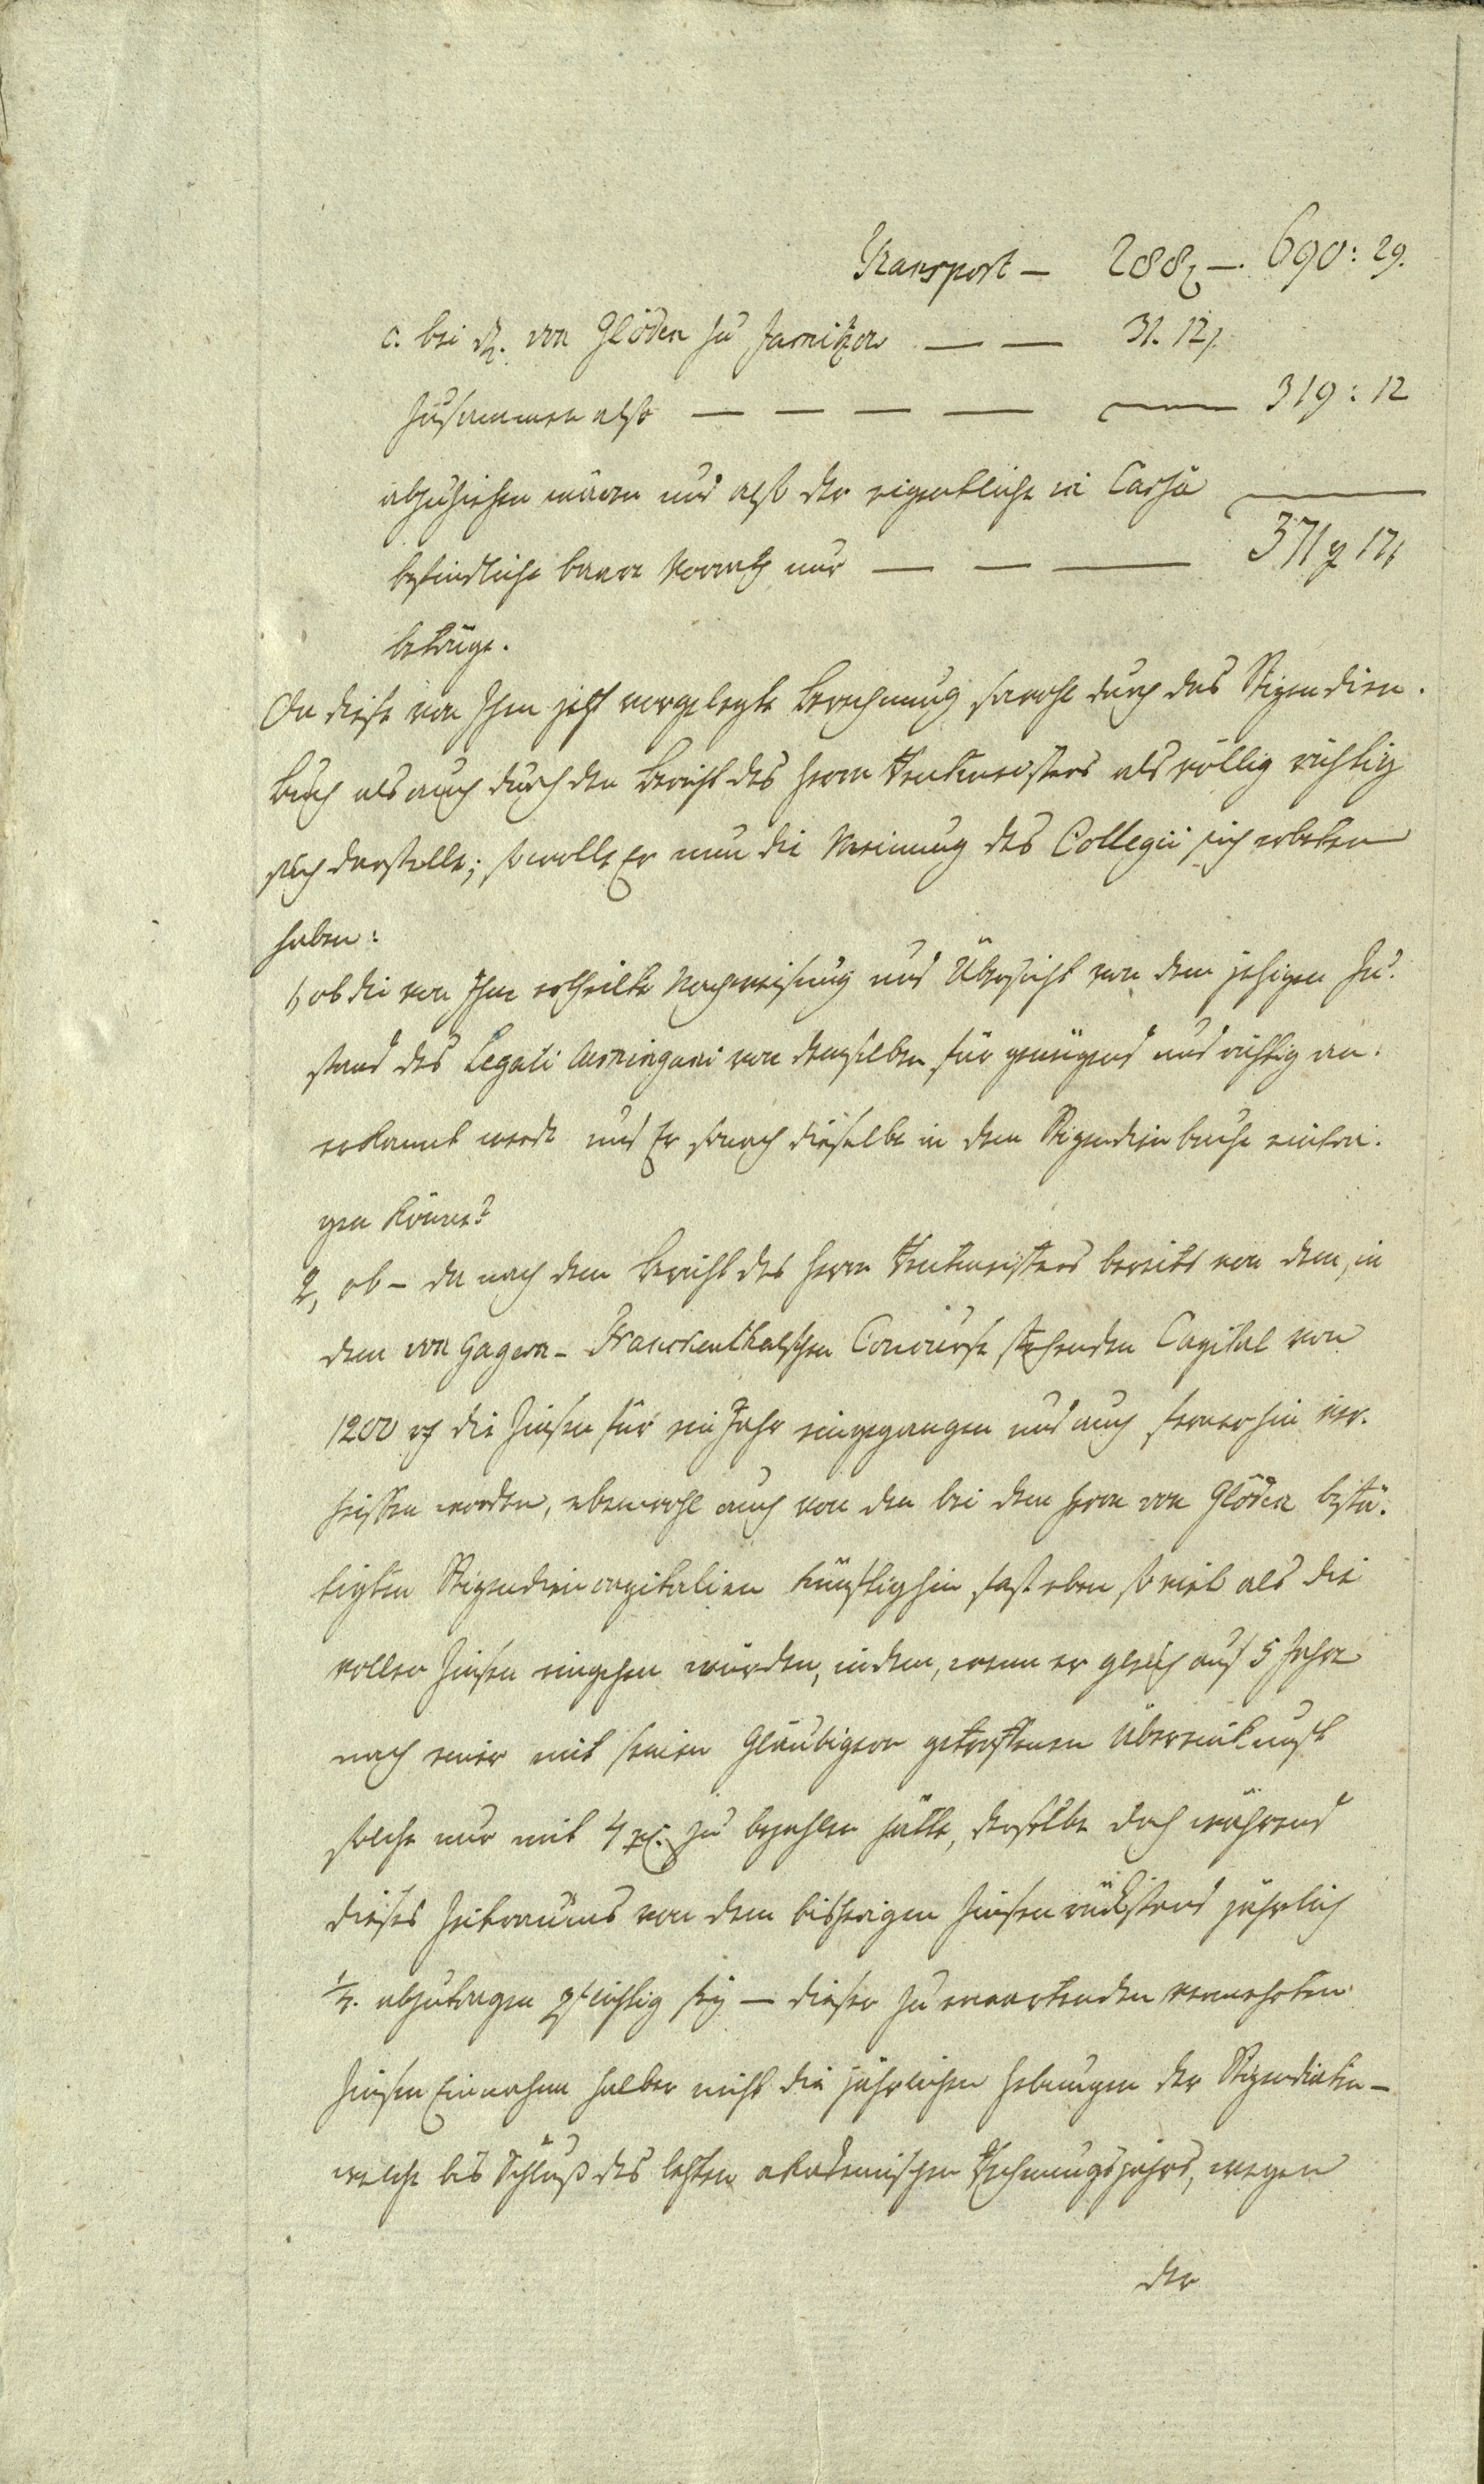Transport 288. 690. 29.
c. bei dh. von Glöden zu Jamitzow - 31. 12,
zusammen also 319 : 12
abzuhiehen wären und also der eigentliche in Cassa
befindliche baare Vorrath nur 371 rt 17 s
betrüge.
Da diese von Ihm jezt vorgelegte Berechnung sowohl durch das Stipendien¬
Buch als auch durch den Bericht des Herrn Rentmeisters als völlig richtig
sich darstelle, so wolle Er nun die Meinung des Collegii sich erbeten
haben:
1, ob die von Ihm ertheilte Nachweisung und Übersicht von dem jetzigen Zu¬
stand des Legati Aemingani von demselben für genügend und richtig an¬
erkannt werde und Er sonach dieselbe in dem Stipendienbuche eintra¬
gen könne?
2, ob- da nach dem Bericht des Herrn Rentmeisters bereits von dem, in
dem M Gagern - Franckenthalschen Concurse stehenden Capital von
1200 rf die Zinsen für in Jahr eingegangen und auch fernerhin ver¬
heissen worden, ebenwohl auch von den bei dem Herrn von Glöden bestä¬
tigten Stipendiencapitalien künftighin fast eben so viel als die
vollen Zinsen eingehen würden, indem, wenn er gleich auf 5 Jahre
nach einer mit seinen Gläubigern getroffenen Übereinkunft
solche nur mit 4 pc zu bezahlen hätte, derselbe doch während
dieses Zeitraums von dem bisherigen Zinsenrückstand jährlich
¼. abzutragen pflichtig seÿ - dieser zu erwartenden vermehrten
Zinsen Einnahme halber nicht die jährlichen Hebungen der Stipendiaten -
welche bis Schluß des letzten akademischen Rechnungsjahrs, wegen
der